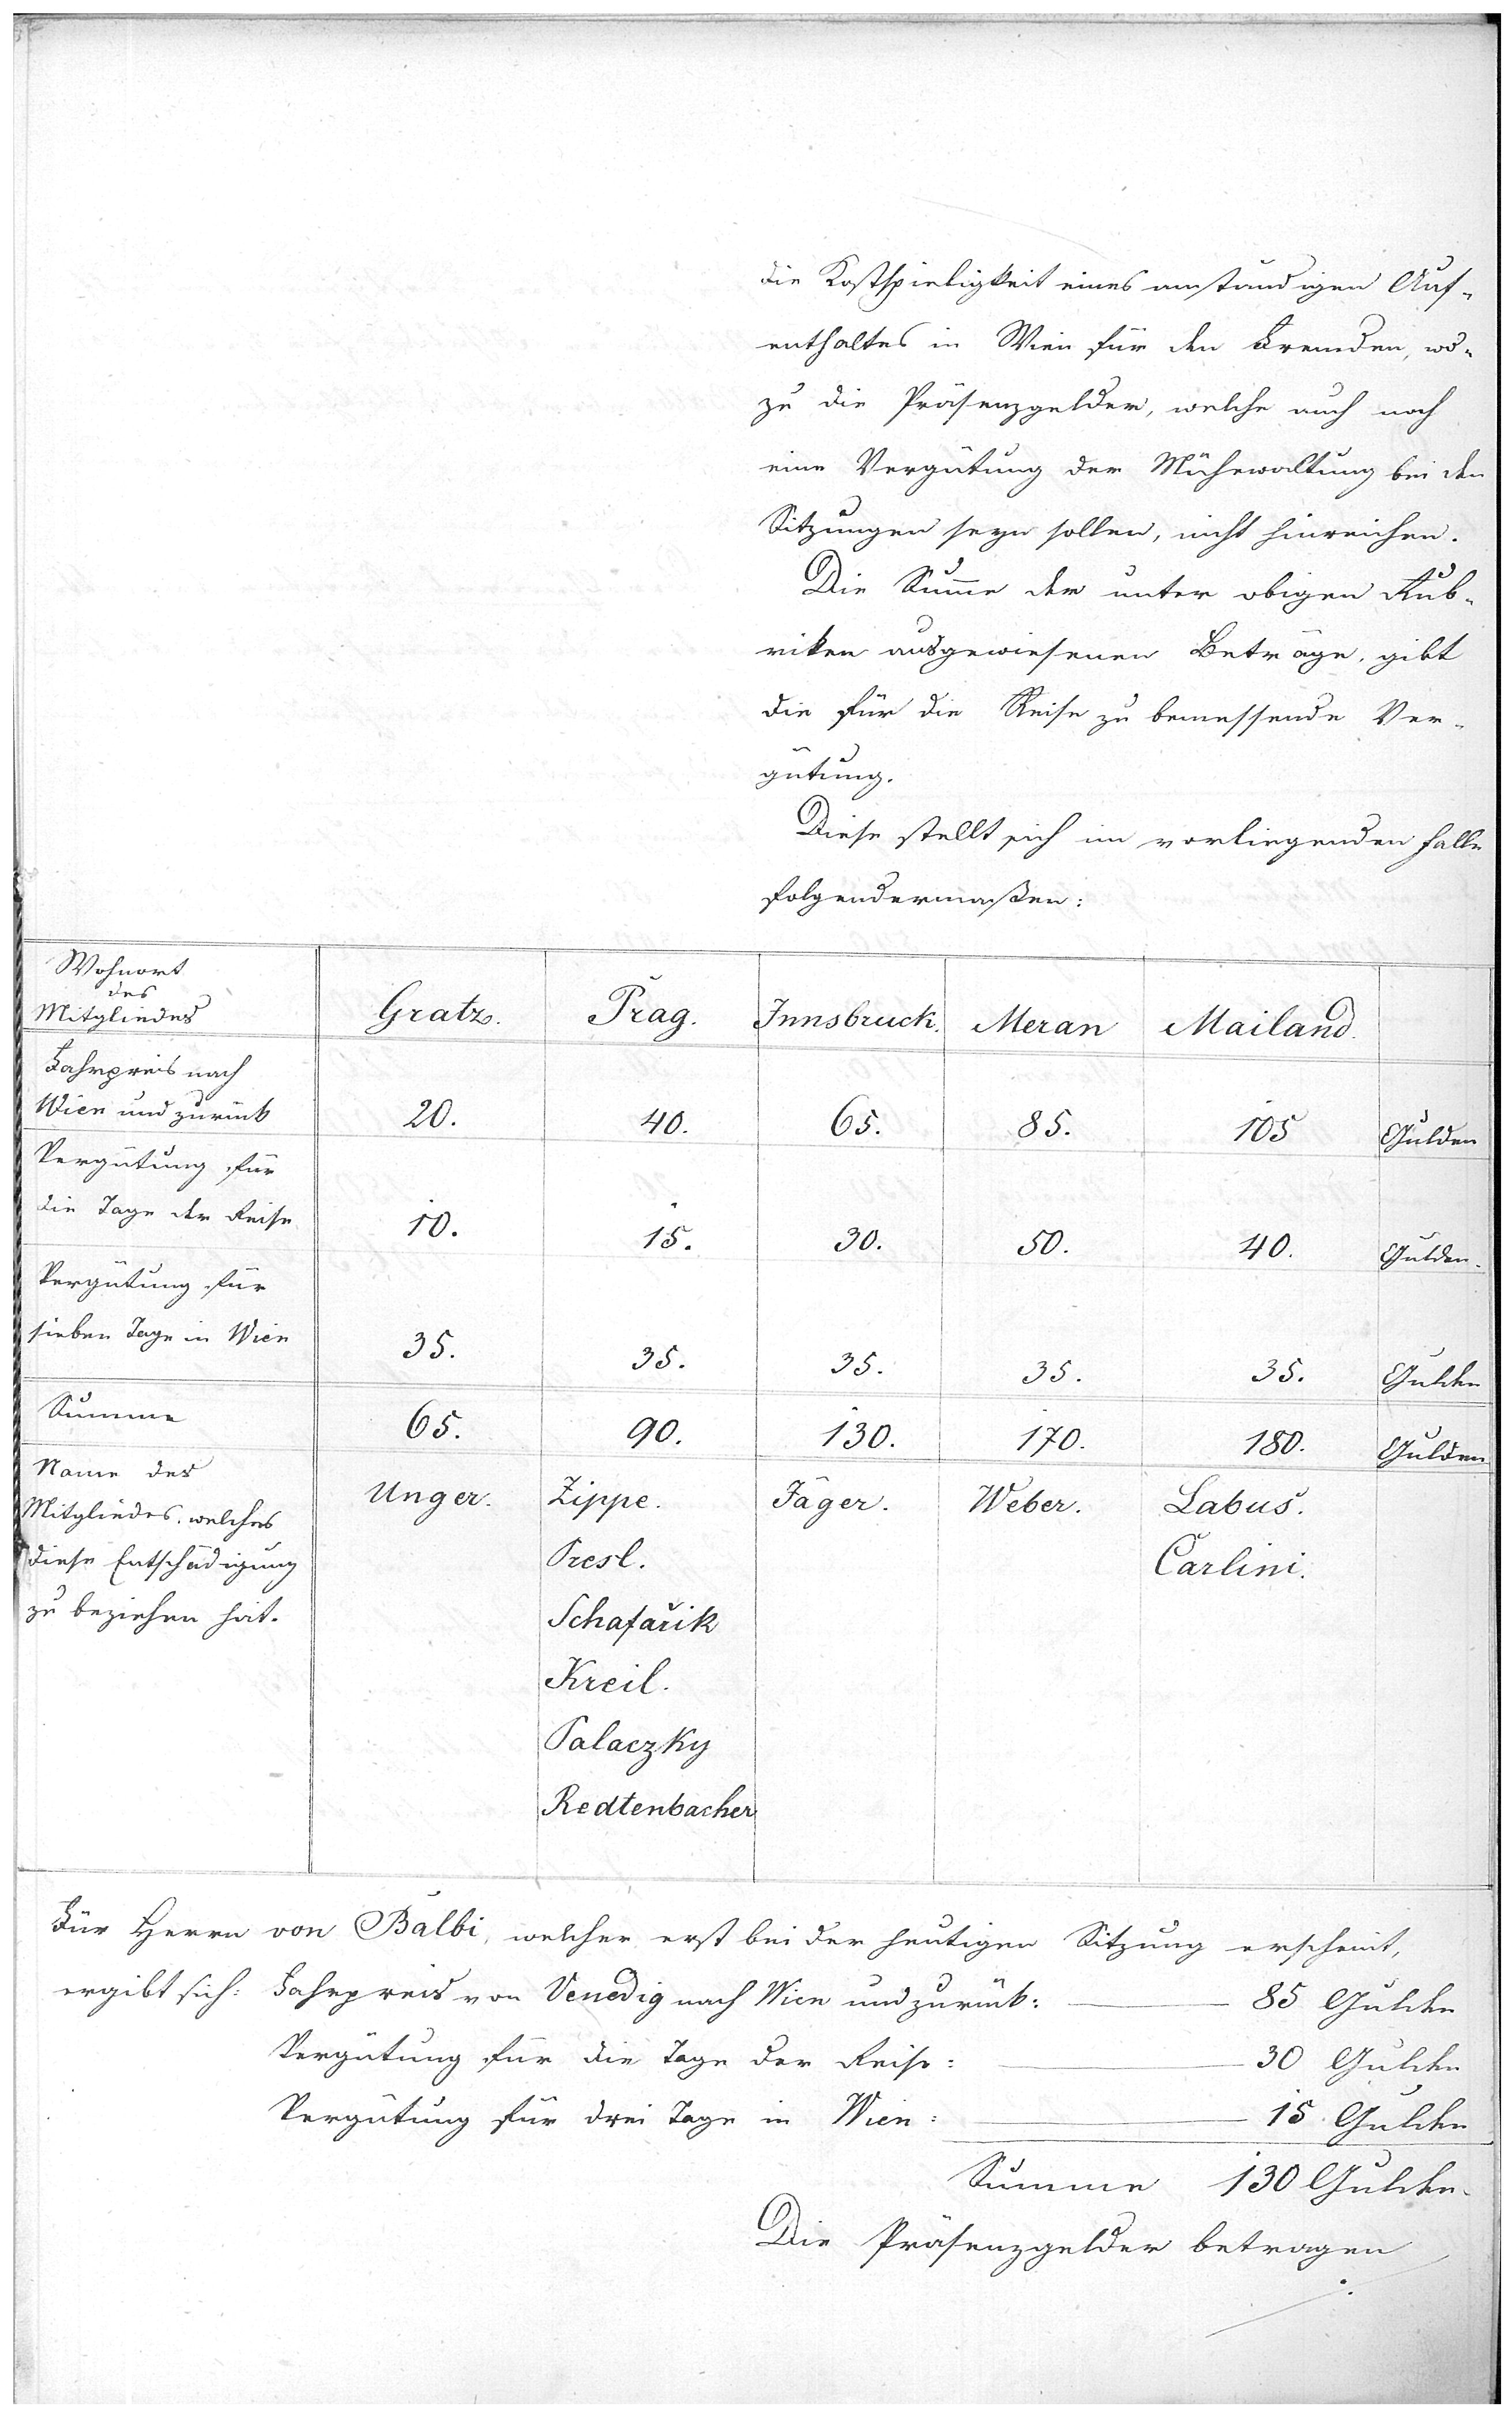Die Kostspieligkeit eines anständigen Auf-
enthaltes in Wien für den Fremden, wo-
zu die Präsenzgelder, welche auch nach
einer Vergütung der Mühewaltung bei den
Sitzungen seyn sollen, nicht hinreichen.
Die Summe der unter obigen Rub-
riken ausgewiesenen Betrage, gibt
die für die Reise zu bemessende Ver-
gütung.
Diese stellt sich im vorliegenden Falle
folgendermaßen:
Wohnort
des
Mitgliedes
Bahnpreis nach
Wien und zurück
Vergütung für
die Tage der Reise
Vergütung für
sieben Tage in Wien
Summe
Name des
Mitgliedes, welches
diese Entschädigung
zu beziehen hat.
Gratz
20.
10.
35.
65.
Unger.
Prag
40.
15.
35.
90.
Zippe
Presl
Schafarik
Kreil
Palaczky
Redtenbacher
Innsbruck
65.
30.
35.
130.
Jäger
Meran
85.
50.
35.
170.
Weber
Mailand
105
40.
35.
180.
Labus
Carlini
Gulden
Gulden
Gulden
Gulden
Für Herrn von Balbi, welcher erst bei der heutigen Sitzung erscheint,
ergibt sich: Fahrpreis von Venedig nach Wien und zurück: -------- 85 Gulden
Vergütung für die Tage der Reise: --------------- 30 Gulden
Vergütung für drei Tage in Wien: ----------------- 15 Gulden
Summe 130 Gulden
Die Präsenzgelder betragen